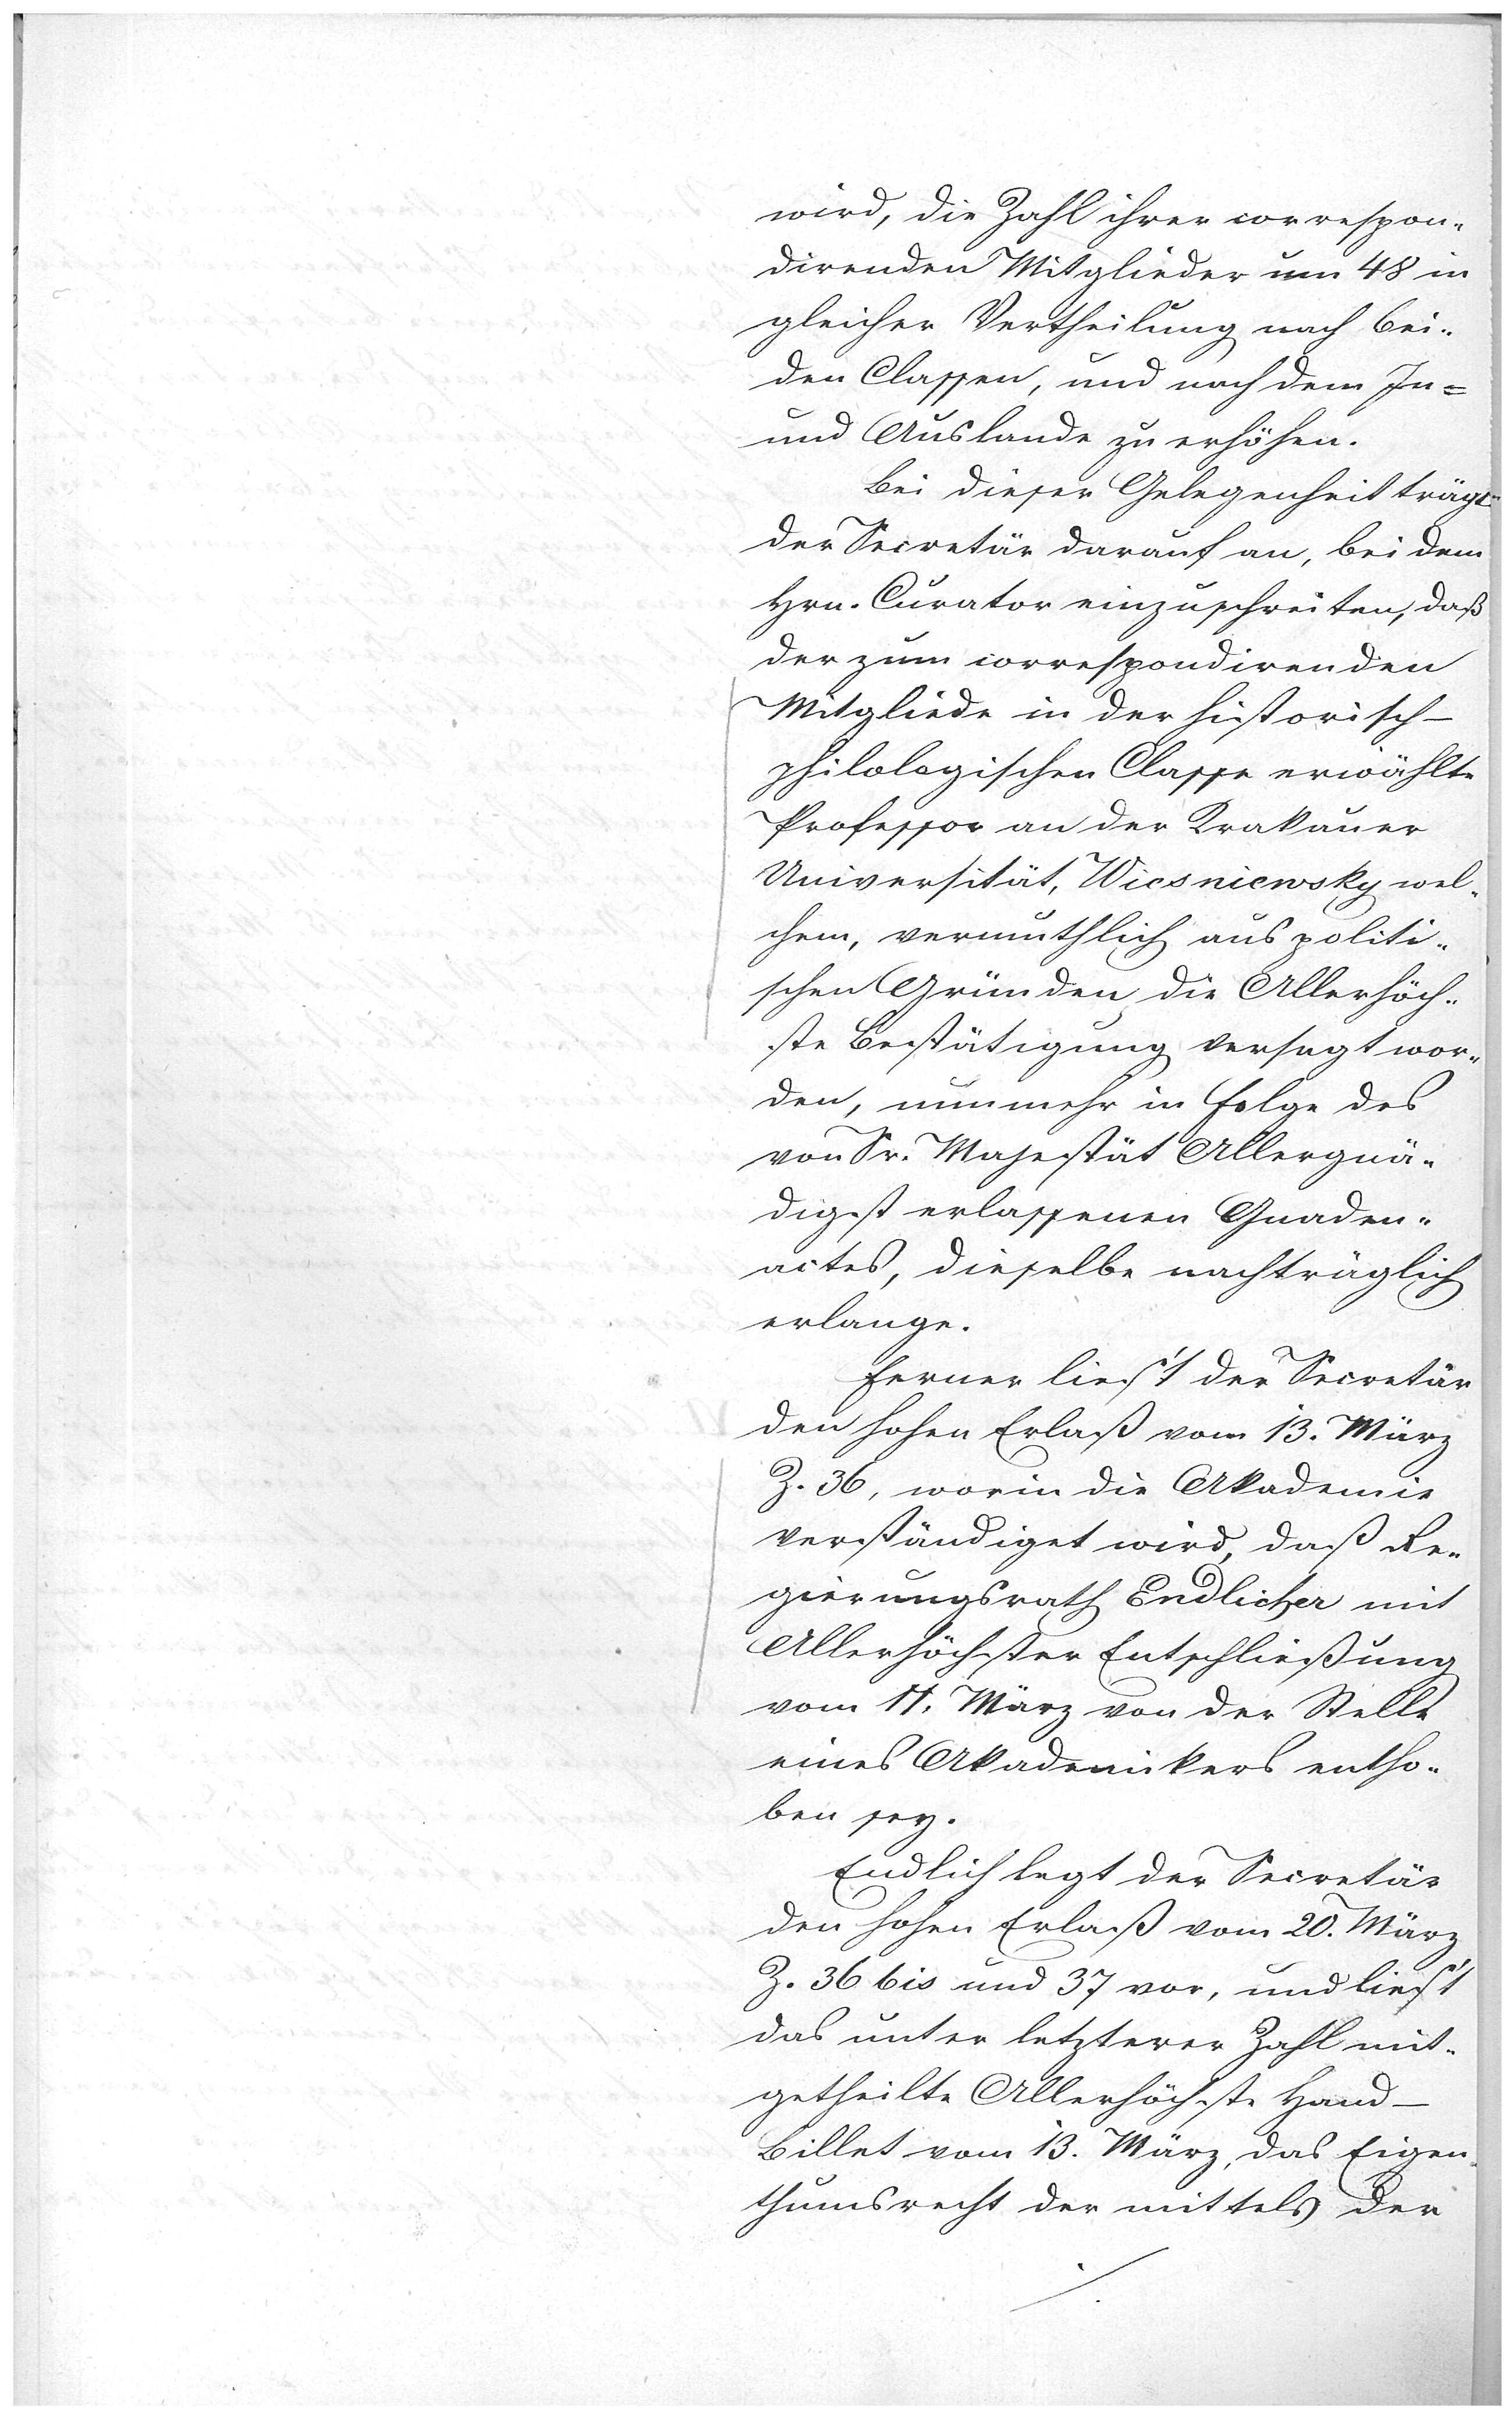wird, die Zahl ihrer correspon-
direnden Mitglieder um 48 in
gleicher Vetheilung nach bei-
den Classen, und nach dem In-
und Auslande zu erhöhen.
Bei dieser Gelegenheit trägt
der Secretär darauf an, bei dem
Hrn. Curator einzuschreiten, daß
der zum correspondirenden
Mitgliede in der historische-
philologischen Classe erwählte
Professor an der Krakauer
Universität, Wiesniewsky wel-
chen, vermuthliche aus politi-
schen Gründen die Allerhöch-
ste Bestätigiung versagt wor-
den, nunmehr in Folge des
von Sr. Majestät Allergnä-
digst erlassenen Gnaden-
actes, dieselbe nachträglich
erlange.
Ferner liest derSecretär
den hohen Erlaß vom 13. März
Z. 36, worin die Akademie
verständiget wird, daß Re-
gierungsrath Endlicher mit
Allerhöchster Entschließung
vom 11. März von der Stelle
eines Akademikers entho-
ben sey.
Endlich legt der Secretär
den hohen Erlaß vom 20. März
Z. 36 bis und 37 vor, und liest
das unter letzterer Zahl mit-
getheilte Allerhöchste Hand-
Billet vom 13. Marz, das Eigen-
thumsrecht der mittels der